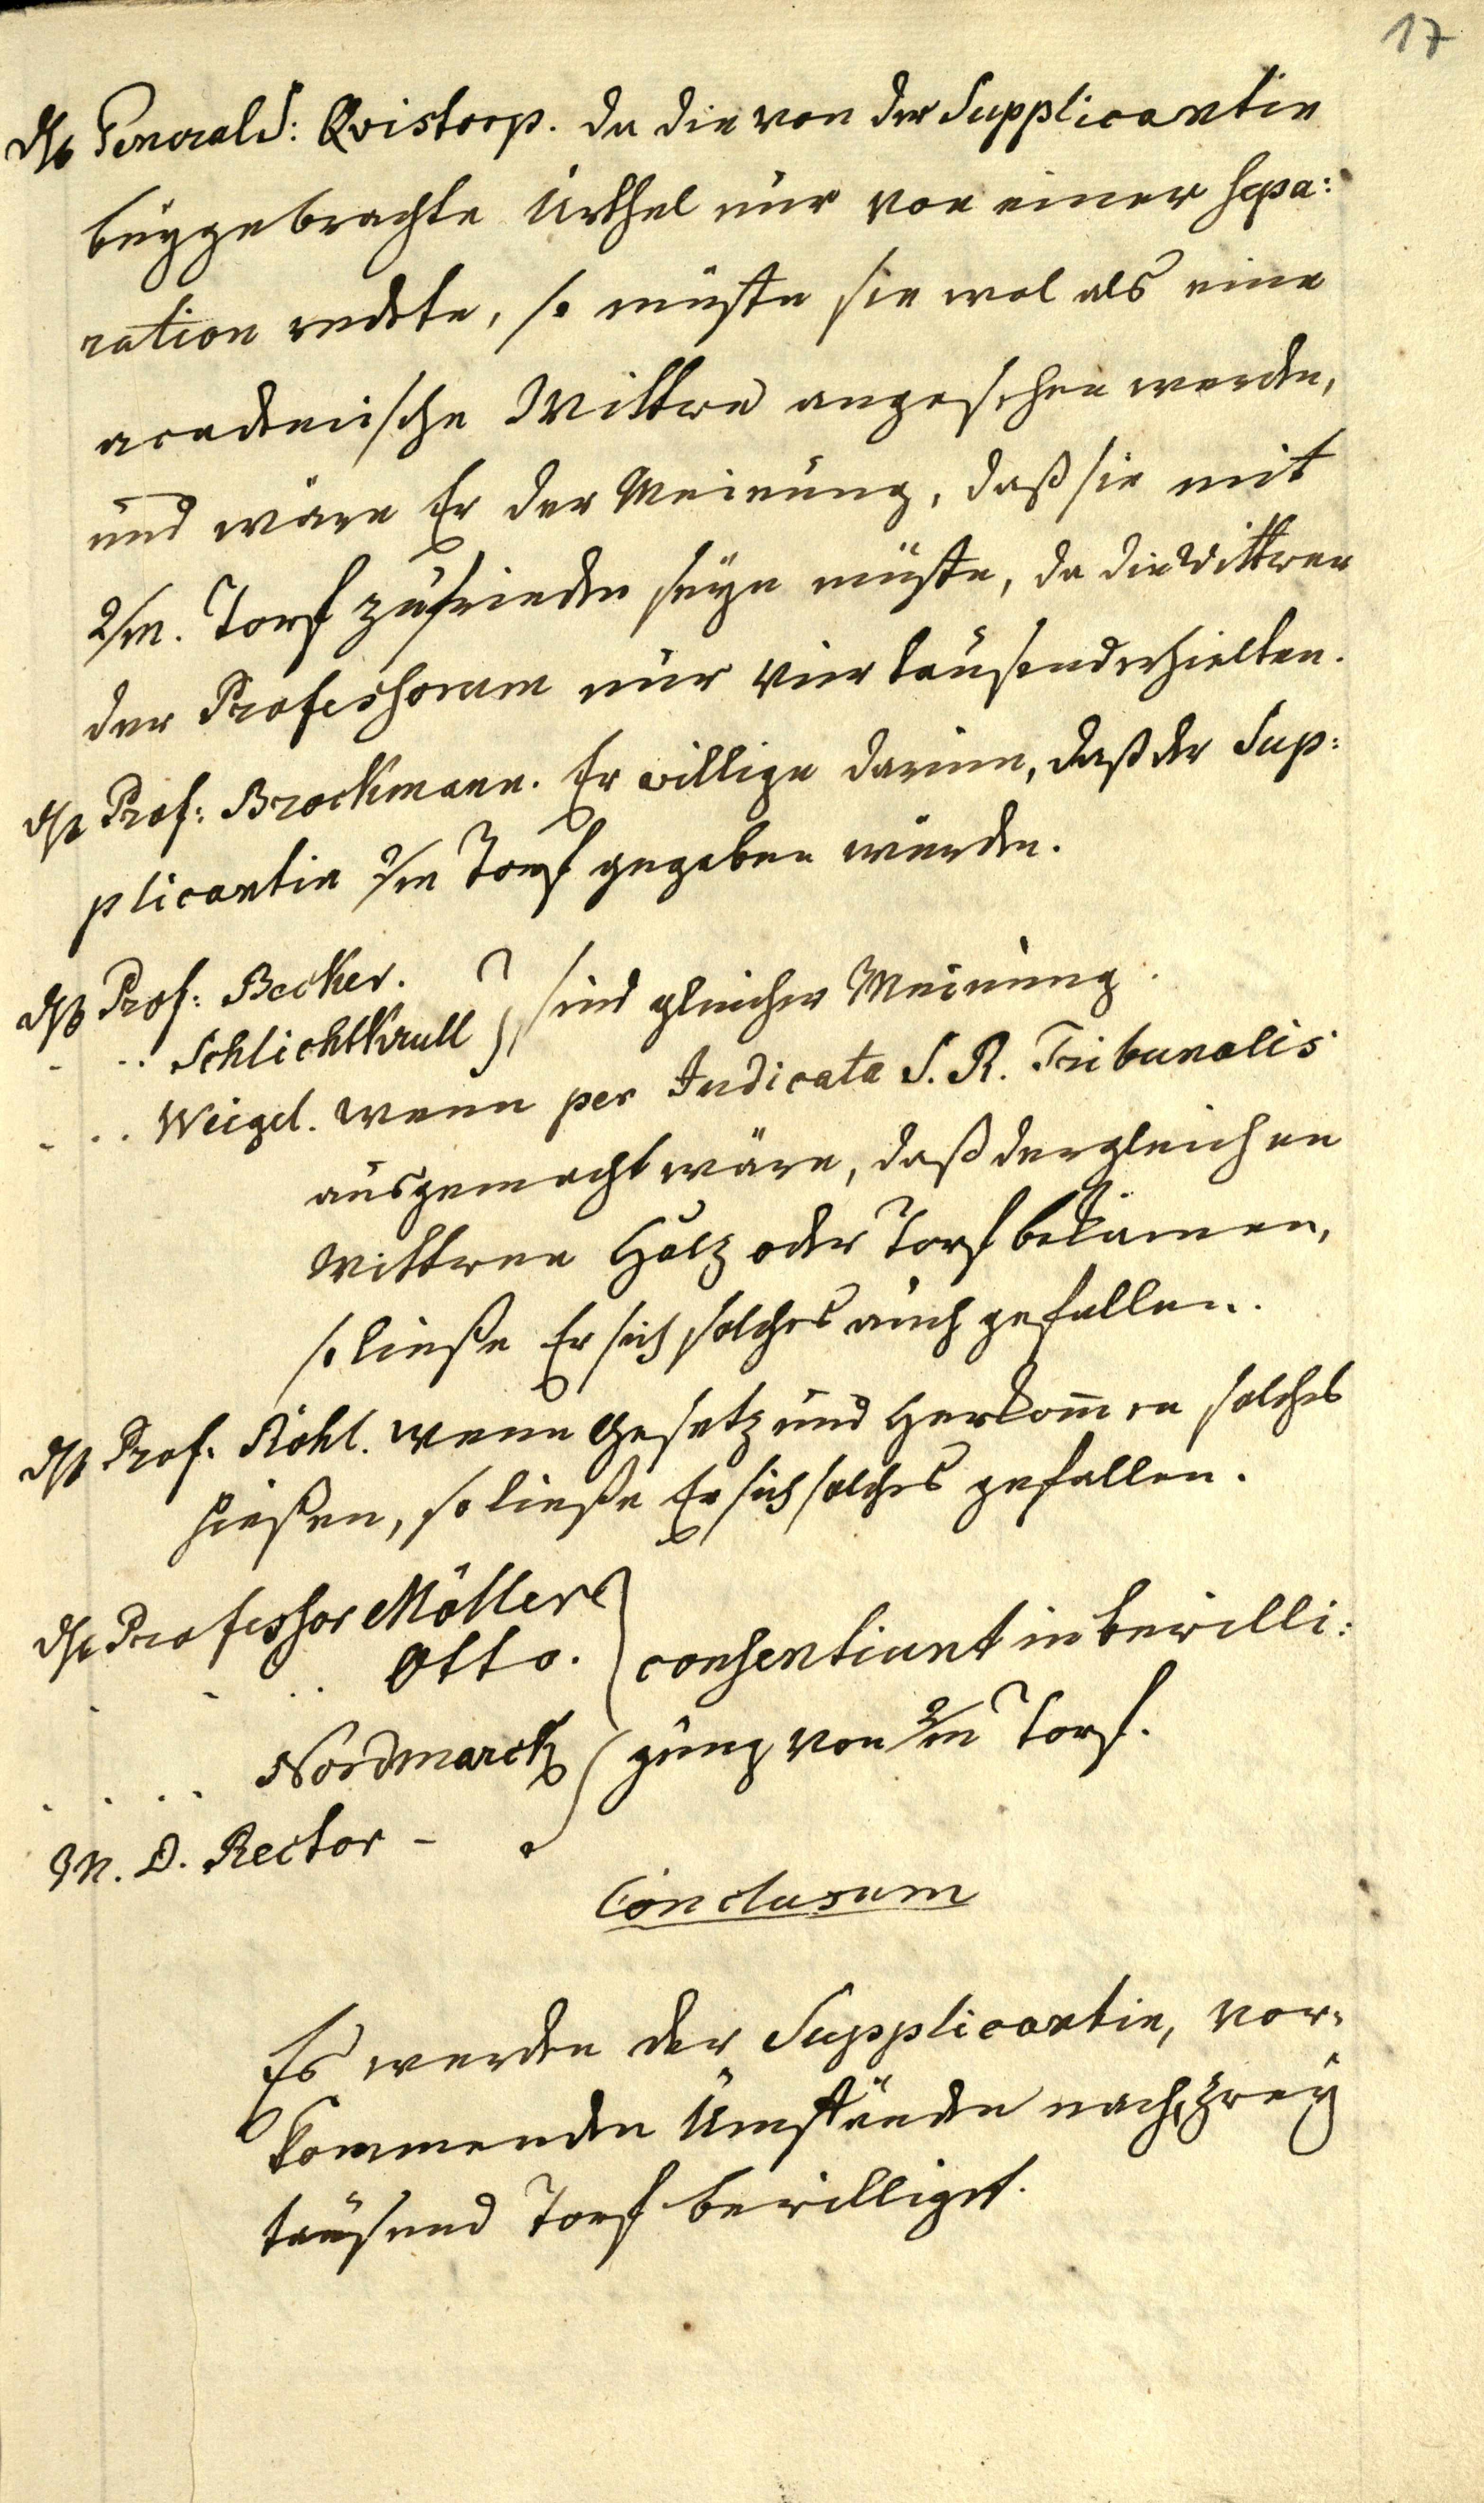dh. GeneralS. Quistorp. Da die von der Supplicantin
beÿgebrachte Urthel nur von einer sepa¬
ration redete, so müste sie wol als eine
academische Wittwe angesehen werden,
und wäre Er der Meinung, daß sie mit
2/m Torf zufrieden seÿn müste, da die Wittwen
der Professorum nur vier tausend erhielten.
dh Prof. Brockmann. Er willige darin, daß der Sup¬
plicantin 2/m Torf gegeben würden.
dh Prof. Becker.
Schlichtkrull sind gleicher Meinung.
Weigel. wenn per Judicata S. R. Tribunalis
ausgemacht wäre, daß dergleichen
Wittwen Holz oder Torf bekämen,
so ließe Er sich solches auch gefallen.
dh Prof. Röhl. wenn Gesetz und Herkomen solches
hießen, so ließe Er sich solches gefallen.
dh Professor Möller
Otto
consentiunt in Bewilli¬
Nordmarck
gung von 2/m Torf
Conclusum
Es werden der Supplicantin, vor¬
kommenden Umständen nach zweÿ
tausend Torf bewilliget.